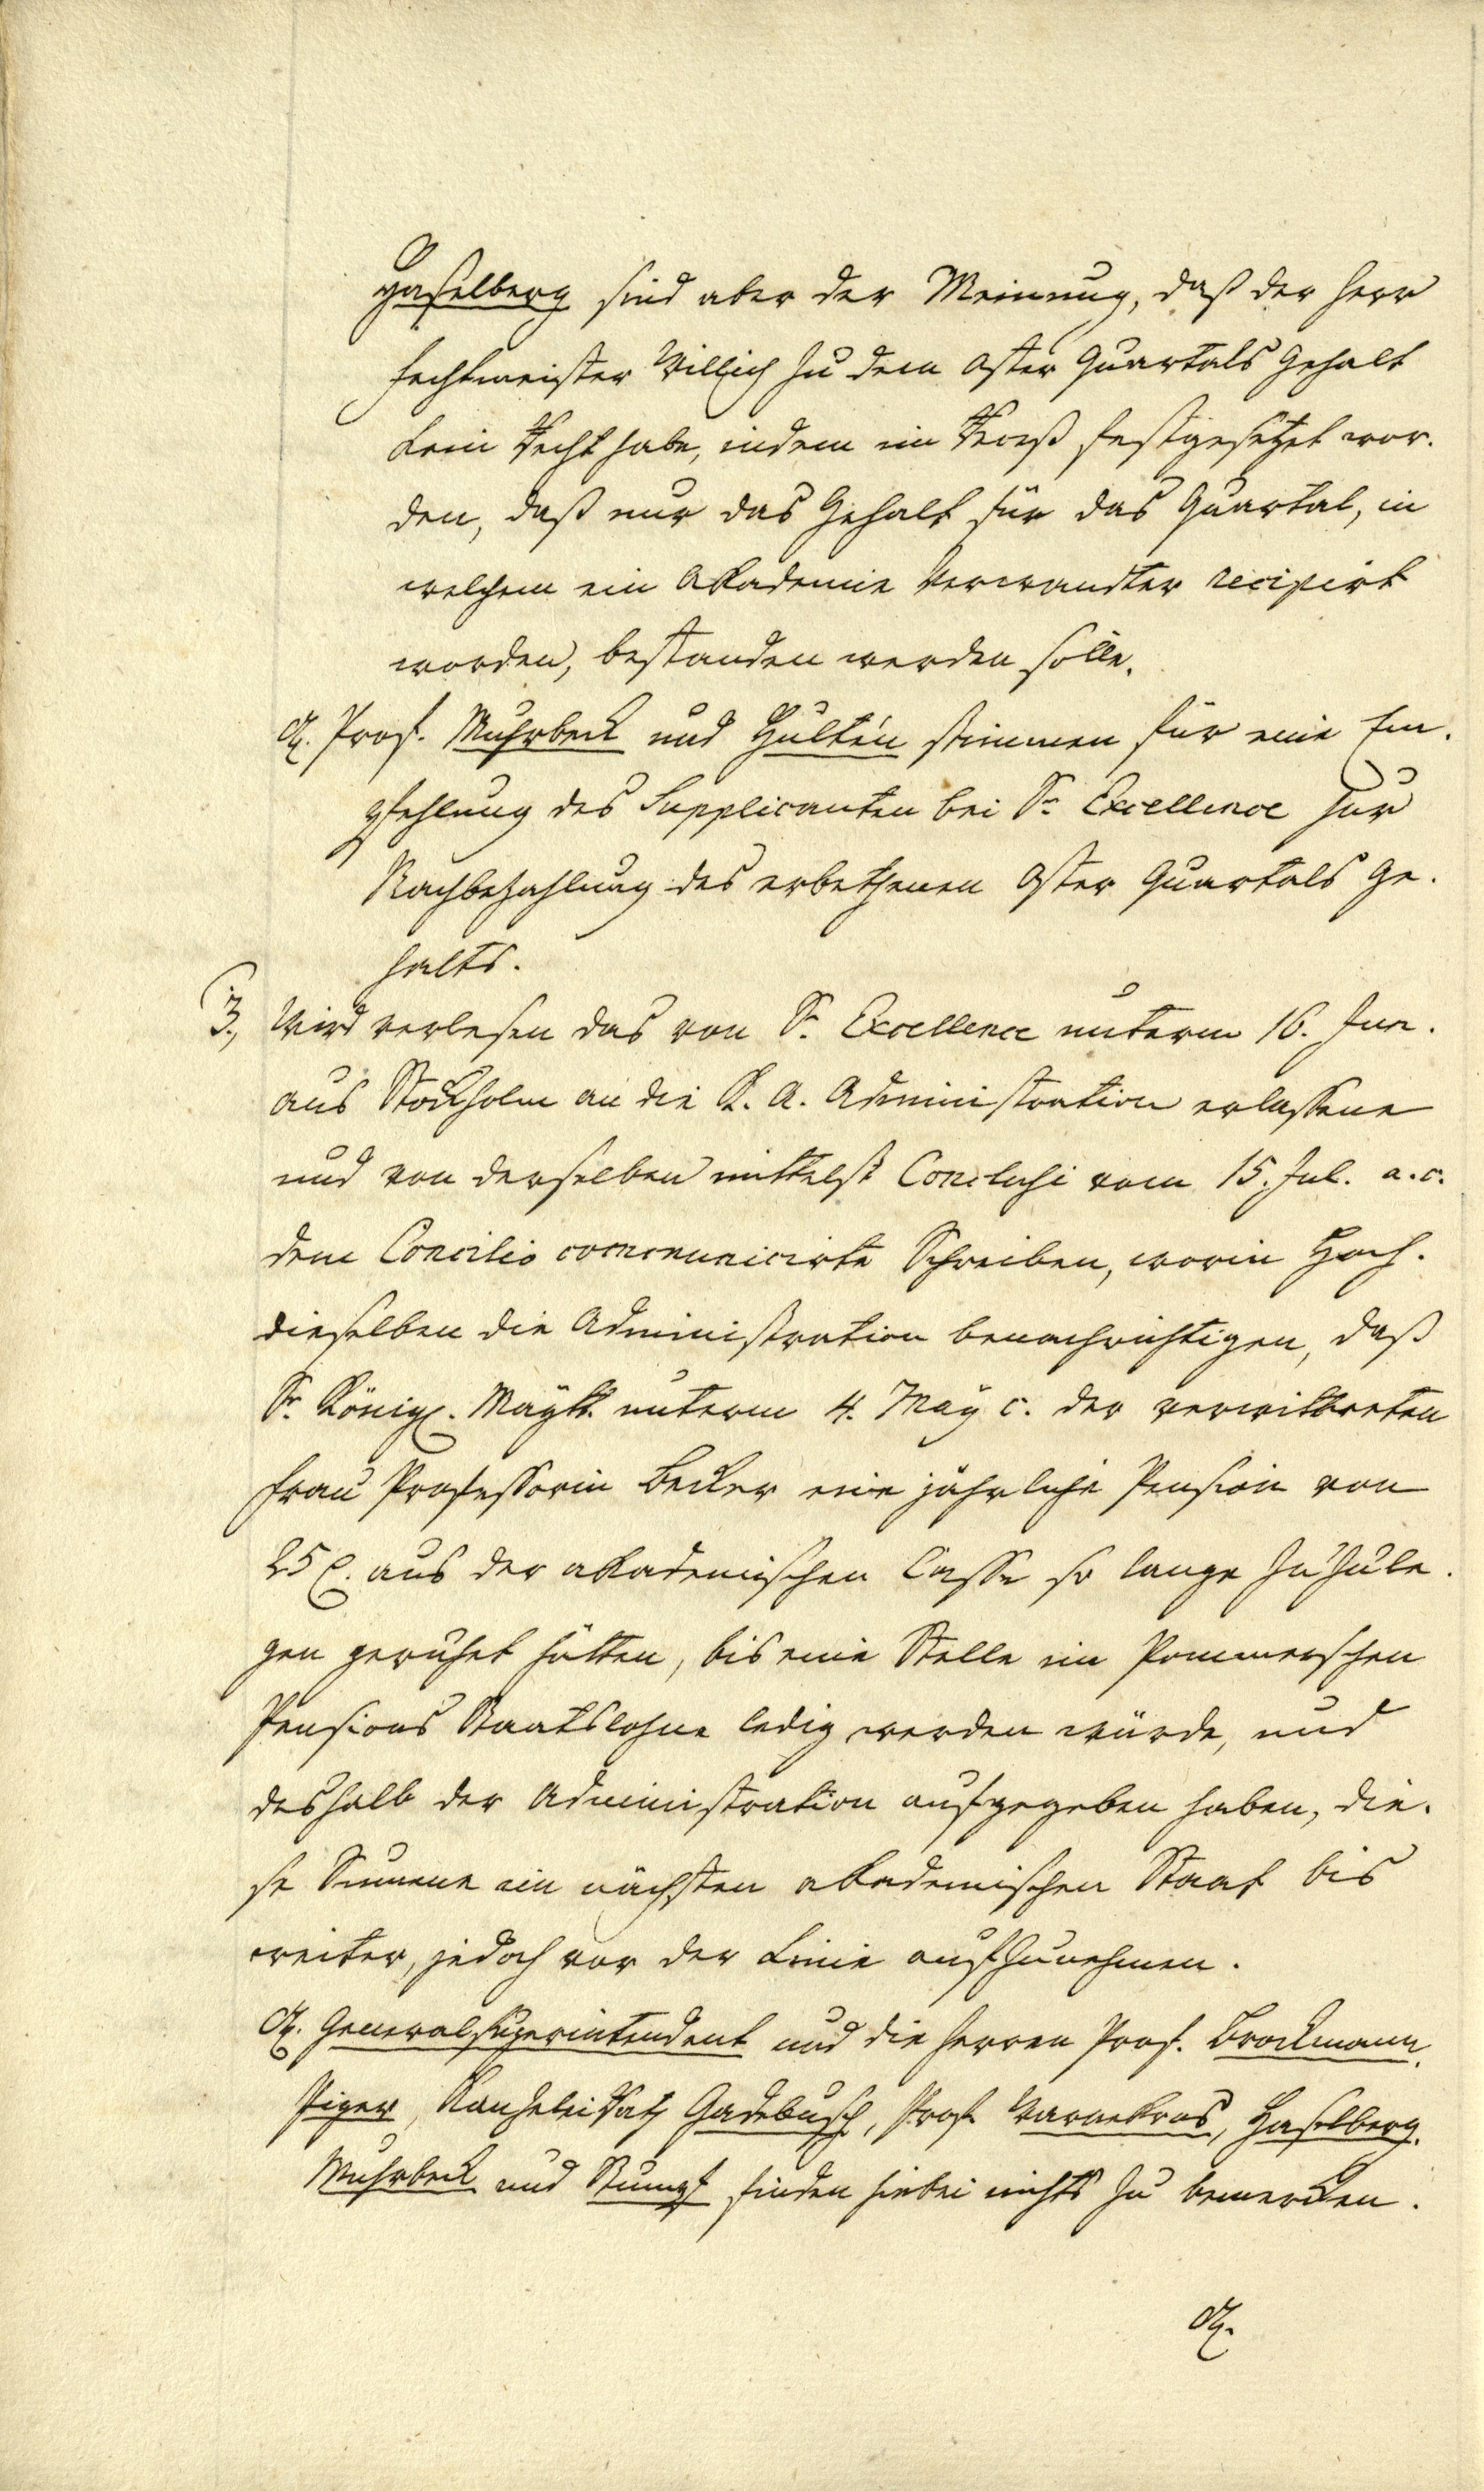Haselberg sind aber der Meinung, daß der Herr
Fechtmeister Willich zu dem Oster Quartals Gehhalt
kein Recht habe, indem im Receß festgesetzet wor¬
den, daß nur das Gehalt für das Quartal, in
welchem ein Akademie Verwandter recipirt
worden, bestanden werden solle.
dh. Prof. Muhrbeck und Hultèn stimmen für eine Em¬
pfehlung des Supplicanten bei Sr. Excellence für
Nachbezahlung des erbethenen Oster Quartals Ge¬
halts.
3., Wird verlesen das von Sr. Excellence unterm 16. Jun.
aus Stockholm an die K. A. Administration erlassene
und zu derselben mittelst Conclusi vom 15. Jul. a. c.
dem Concilio communicirte Schreiben, worin Hoch¬
dieselben die Administration benachrichtigen, daß
Sr. Königl. Maÿtt. unterm 4. Maÿ c. der verwittweten
Frau Professorin Becker eine jährliche Pension von
25 l. aus der akademischen Casse so lange zuzule¬
gen geruhet hätten, bis eine Stelle im Pommerschen
Pensions Staatslohne ledig werden würde, und
deshalb der Administration aufgegeben haben, die¬
se Summe im nächsten akademischen Staat bis
weiter, jedoch vor der Linie aufzunehmen.
dh. Generalsuperintendent und die herren Prof. Brockmann,
Piper, Kanzelei Rath Gadebusch,Prof. Warnekros, Haselberg,
Muhrbeck und Stumpf finden hiebei nichts zu bemercken.
dh.